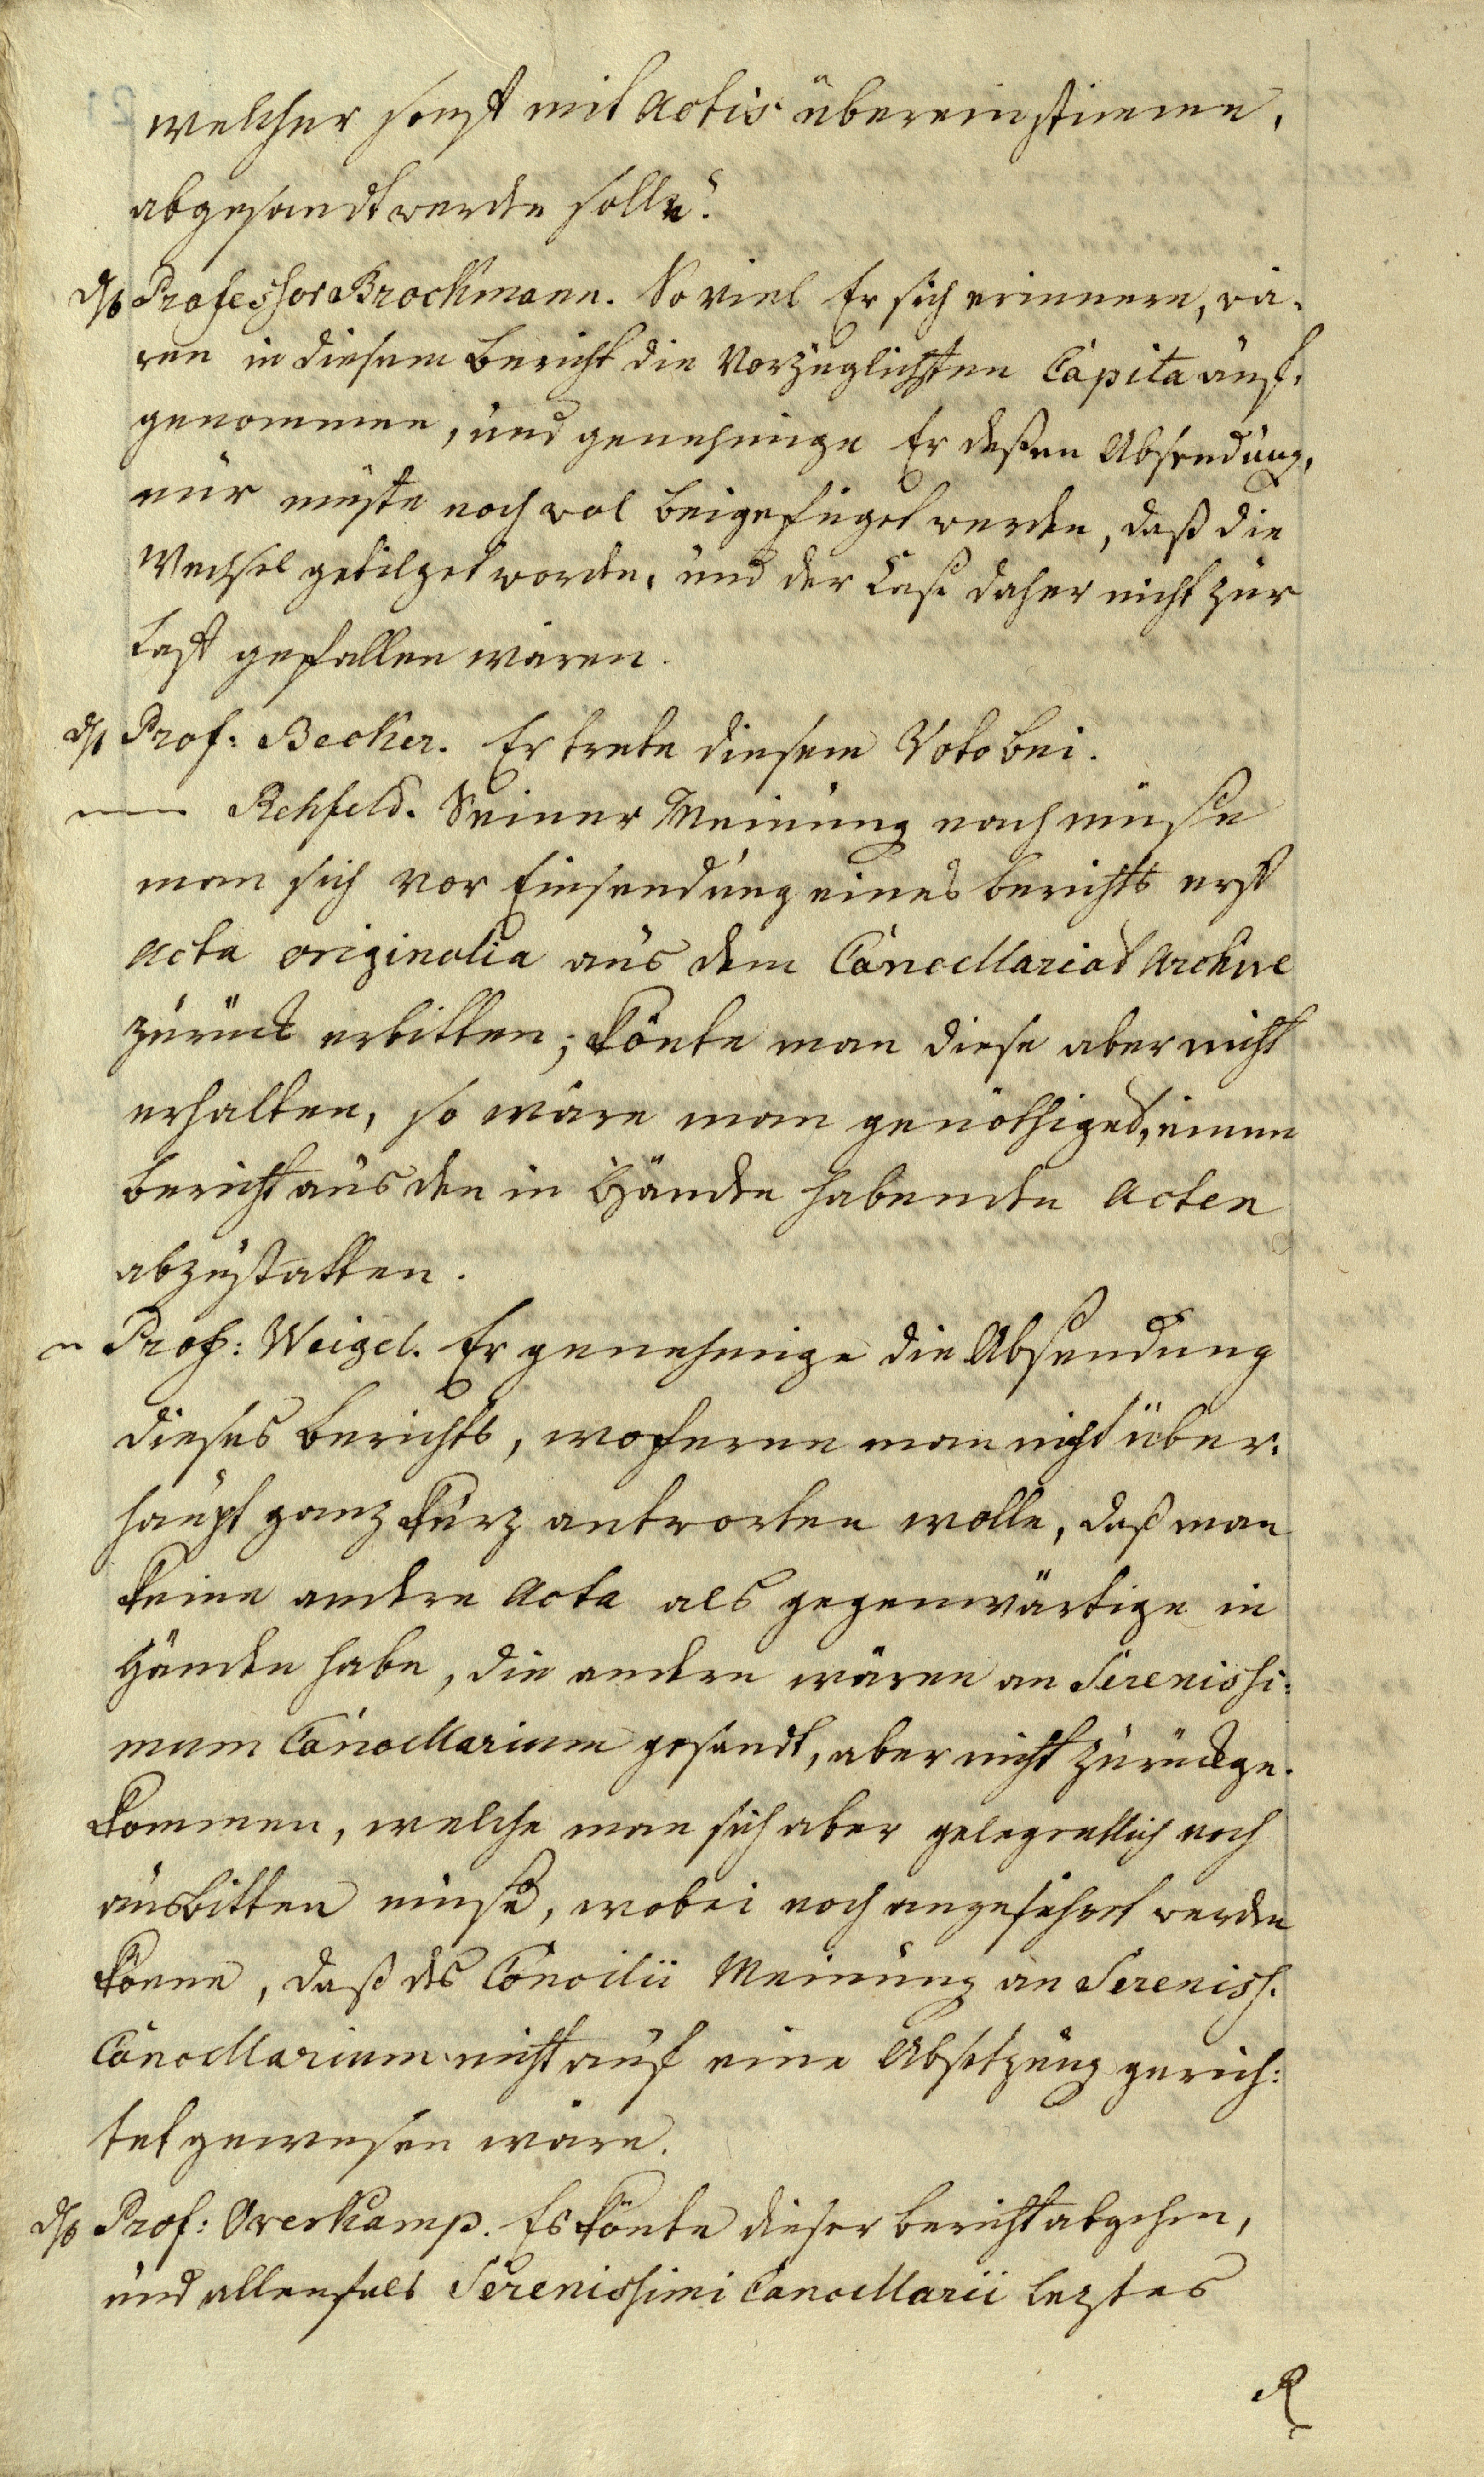welcher sonst mit actis übereinstimme,
abgesandt werden solle?
dh Professor Brockmann. So viel Er sich erinnere, wä¬
ren in diesem Bericht die vorzüglichsten Capita auf¬
genommen, und genehmige Er deßen Absendung,
nur müste noch wol beigefüget werden, daß die
Wechsel getilget worden, und der Caße daher nicht zur
Last gefallen wären.
dh Prof. Becker. Er trete diesem Voto bei.
Rehfeld. Seiner Meinung nach müße
man sich vor Einsendung eines Berichts erst
acta originalia aus dem Cancellariat Archive
zurück erbitten; könte man diese aber nicht
erhalten, so wäre man genöthiget, einen
Bericht aus den in Händen habenden Acten
abzustatten.
Prof. Weigel. Er genehmige die Absendung
dieses Berichts, woferne man nicht über¬
haupt ganz kurz antworten wolle, daß man
keine andere Acta als gegenwärtige in
Händen habe, die andern wären an Serenissi¬
mum Cancellarium gesandt, aber nicht zurückge¬
kommen, welche man sich aber gelegentlich noch
ausbitten müße, wobei noch angeführt werden
könne, daß des Concilii Meinung an Sereniss.
Cancellarium nicht auf eine Absetzung gerich¬
tet gewesen wäre.
dh Prof. Overkamp. Es könte dieser Bericht abgehen,
und allenfals Serenissimi Cancellarii leztes